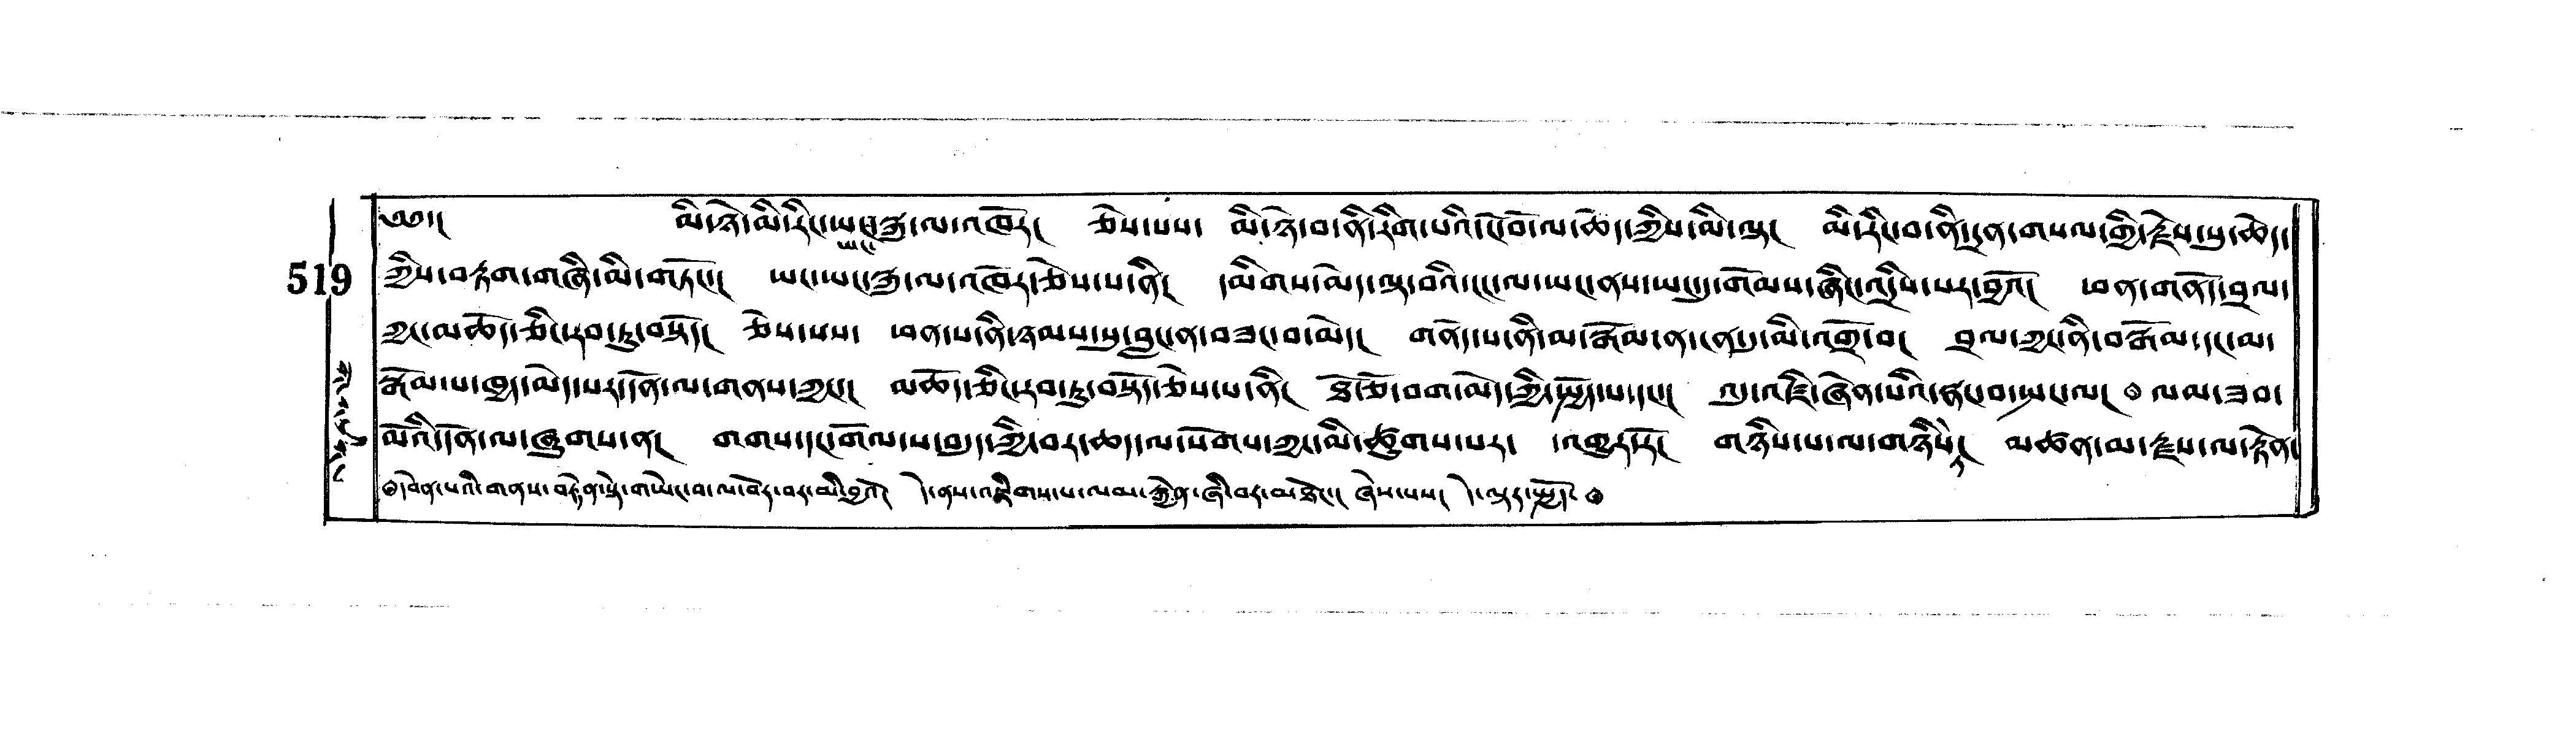མི་ཉེ་མི་རིང་ཡང་ཡང་སྐུ་ལ་འཁོར། ཅེས་པས། མི་ཉེ་བ་ནི་རིག་པའི་ངོ་བོ་ཆེད་ཀྱིས་མི་ལྟ། མི་རིང་བ་ནི་དྲན་གསལ་གྱི་རྗེས་སུ་ཆེད་
ཀྱིས་བརྟག་གཞི་མི་གཏོང་། ཡང་ཡང་སྐུ་ལ་འཁོར་ཅེས་པ་ནི། དམིགས་མེད་ལྟ་བའི་ངང་ལ་ཡང་ནས་ཡང་དུ་གོམས་ཤིང་འདྲིས་པར་བྱའོ། ཕན་གནོད་བྲལ་
ཀྱང་མཆོད་ཅིང་རབ་ཏུ་བསྟོད། ཅེས་པས། ཕན་པ་ནི་ཉམས་སུ་བླང་ན་བཟང་བ་མེད། གནོད་པ་ནི་མ་བསྒོམ་ན་ངན་དུ་མི་འགྲོ། བྲལ་ཀྱང་ནི་སྒོམ་དང་མ་
བསྒོམ་པ་ཁྱད་མེད་པར་དོན་ལ་གནས་ཀྱང་། མཆོད་ཅིང་རབ་ཏུ་བསྟོད་ཅེས་པ་ནི། ཐོ་ཅོ་བག་མེད་ཀྱི་སྤྱོད་པ་དང་། འདུ་འཛི་ཞེན་པའི་སྣང་བ་སྤང་ལ། དབེན་པའི་གནས་བསྟེན་ཏེ། གཡེང་བ་ལ་བོར་བར་མི་བྱའོ། དེ་ནས་འཇིགས་པ་ལམ་རྐྱེན་ཞི་བར་མཐོང་ཅེས་པས། དེ་ལྟར་སྤྱོད་ལམ་ཟབ་
མོའི་དོན་ལ་ཞུགས་ན། གགས་དང་གོལ་ས་བདུད་ཀྱི་བར་ཆོད་ལ་སོགས་ཀྱང་མི་ཚུགས་པར་འགྱུར་རོ། གཉིས་པ་ལ་གཉིས་ཏེ། མཚན་མ་རྫས་ལ་རྟེན་